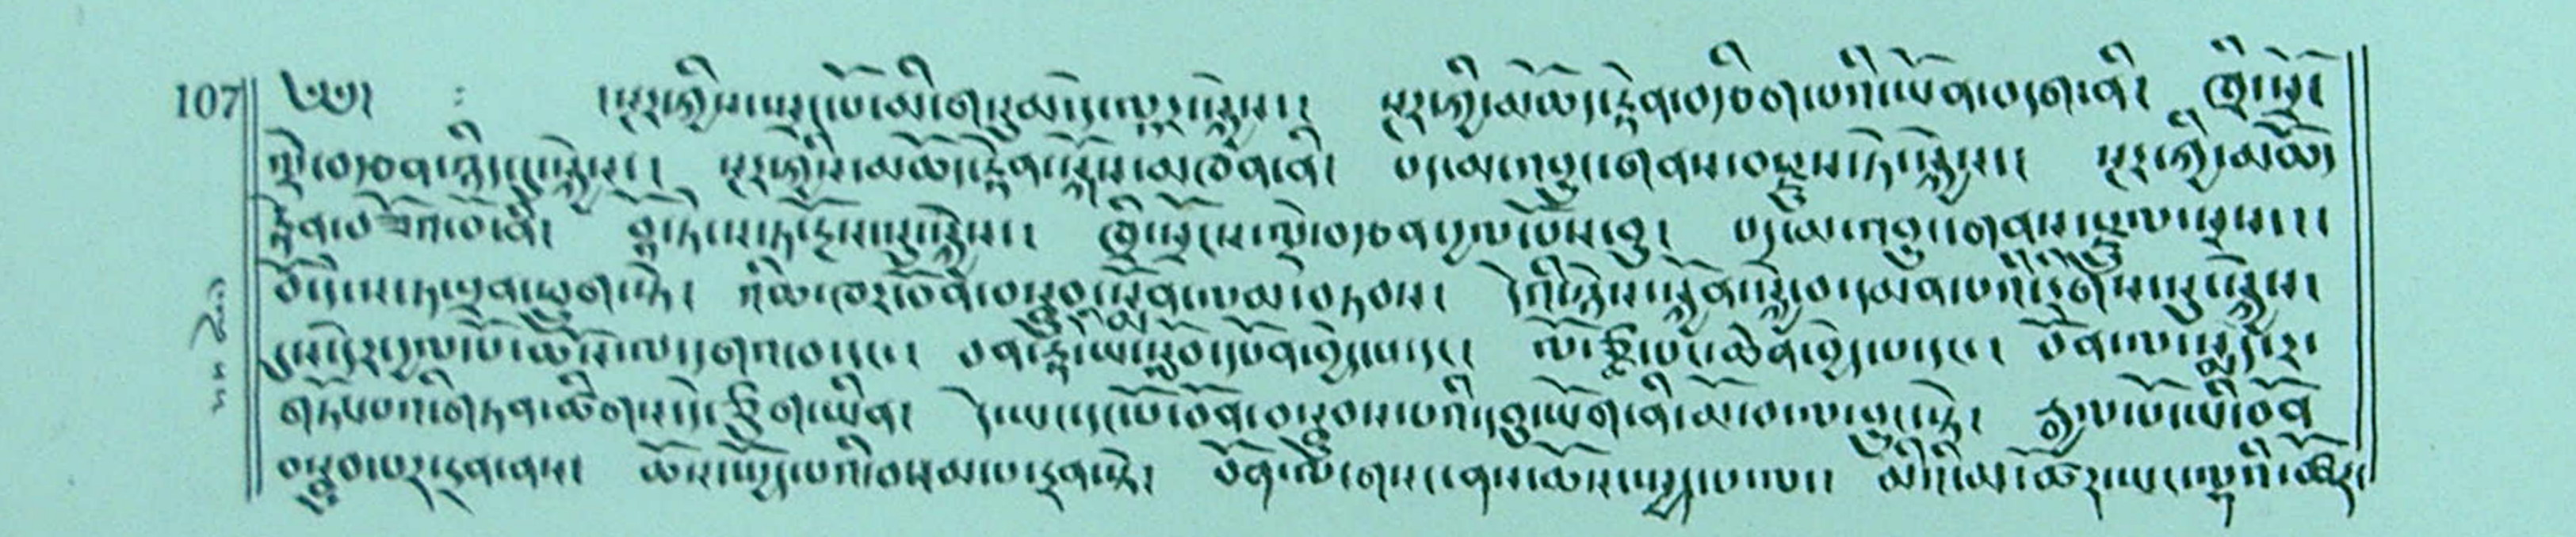༄༅། །སྔར་གྱི་སྤྲང་བོ་མི་གསུམ་དེ་ལྟར་སྐྱེས། སྔར་གྱི་མཆོད་རྟེན་བརྩིགས་པའི་ཡོན་བདག་ནི། ཁྲི་སྲོང་
སྡེ་བཙན་ཉིད་དུ་སྐྱེས། སྔར་གྱི་མཆོད་རྟེན་སྐོས་མཁན་ནི། པད་མ་འབྱུང་གནས་བརྫུས་ཏེ་སྐྱེས། སྔར་གྱི་མཆོད་
རྟེན་བཟོ་བོ་ནི། བྷོ་ཏེ་སཏྭ་་རྔོས་སུ་སྐྱེས། ཁྲི་སྲོང་ལྡེ་བཙན་རྒྱལ་བོའི་བུ། པད་མ་འབྱུང་གནས་རྫུ་འཕྲུལ་སྲས། 
བོ་ཏེ་ས་ཏྭ་བོད་ཕྲུག་སྟེ། འཆི་ཁར་བོན་བསྣུབ་སྨོན་ལམ་བཏབས། དེའི་ཉེས་སྐྱོན་སྐྱེ་བ་དམན་པའི་རིགས་སུ་སྐྱེས། 
དུས་དེར་རྒྱལ་བོ་ཆོས་ལ་དགའ་བ་དང་། བན་དྷེ་ཡ་སློབ་དཔོན་བྱེད་པ་དང་། ལོ་ཙཱ་བང་ཆེན་བྱེད་པ་དང་། བོན་ལ་སྨད་ར་
གཏོང་བའི་གཏན་ཚིགས་དེ་ཙུག་ཡིན། དེ་ཡང་དང་པོ་བོན་བསྣུབས་པའི་དབུ་ཡོག་ནི་མོ་བ་ལ་བྱུང་བ་སྟེ། རྒྱལ་བོ་ཡིས་བོན་
བསྣུབ་པར་དྲན་ནས། ཆོས་སྤྱོད་པའི་བསམ་པ་དྲན་སྟེ། བོན་ལ་གསང་ནས་ཆོས་སྤྱད་པ་ལ། མི་ཡིས་མ་ཚོར་ཡང་ལྷའི་ཚོར་